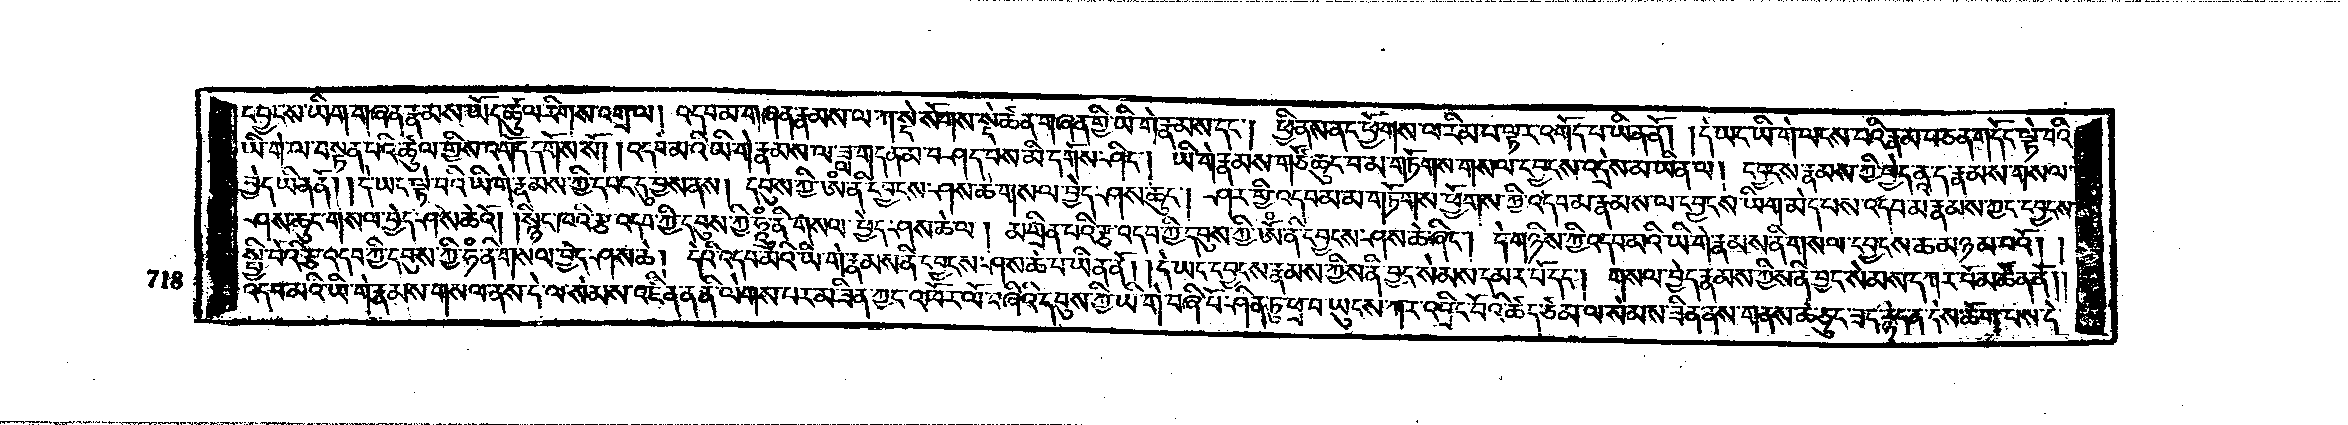དབྱངས་ཡིག་གཞན་རྣམས་ཡོད་ཚུལ་རིགས་འགྲ་ལ། འདབ་མ་གཞན་རྣམས་ལ་ཀ་སྡེ་སོགས་སྡེ་ཚན་གཞན་གྱི་ཡི་གེ་རྣམས་དང་། ཕྱི་ནས་ནང་ཕྱོགས་ལ་རིམ་པ་ལྟར་འགོད་པ་ཡིན་ནོ། །དེ་ཡང་ཡི་གེ་ལངས་པའི་རྣམ་པ་ཅན་གདོང་ལྟེ་བའི་
ཡི་གེ་ལ་བསྟན་པའི་ཚུལ་གྱིས་འགོད་དགོས་སོ། །འདབ་མའི་ཡི་གེ་རྣམས་ལ་ཟླ་གདན་མ་བཤད་བས་མི་དགོས་ཤིང་། ཡི་གེ་རྣམས་གཙོ་ཆུང་བ་མ་གཏོགས་གསལ་དབྱངས་འདྲེས་མ་ཡིན་ལ། དབྱངས་རྣམས་ཀྱི་ཕྱེད་ནཱ་དེ་རྣམས་གསལ་
བྱེད་ཡིན་ནོ། །དེ་ཡང་ལྟེ་བའི་ཡི་གེ་རྣམས་ཀྱི་དབང་དུ་བྱས་ནས། དབུས་ཀྱི་ཨཾ་ནི་དབྱངས་ཤས་ཆེ་གསལ་བྱེད་ཤས་ཆུང་། ཤར་གྱི་འདབ་མ་མ་གཏོགས་ཕྱོགས་ཀྱི་འདབ་མ་རྣམས་ལ་དབྱངས་ཡིག་མེད་པས་འདབ་མ་རྣམས་ཀྱང་དབྱངས་
ཤས་ཆུང་གསལ་བྱེད་ཤས་ཆེའོ། །སྙིང་ཁའི་རྩ་འདབ་ཀྱི་དབུས་ཀྱི་ཧཱུཾ་ནི་གསལ་ཕྱེད་ཤས་ཆེ་ལ། མགྲིན་པའི་རྩ་འདབ་ཀྱི་དབུས་ཀྱི་ཨོཾ་ནི་དབྱངས་ཤས་ཆེ་ཞིང་། དེ་གཉིས་ཀྱི་འདབ་མའི་ཡི་གེ་རྣམས་ནི་གསལ་དབྱངས་ཆ་མཉམ་པའོ། །
སྤྱི་བོའི་རྩ་འདབ་ཀྱི་དབུས་ཀྱི་ཧཾ་ནི་གསལ་བྱེད་ཤས་ཆེ། དེའི་འདབ་མའི་ཡི་གེ་རྣམས་ནི་དབྱངས་ཤས་ཆེ་བ་ཡིན་ནོ། །དེ་ཡང་དབྱངས་རྣམས་ཀྱིས་ནི་བྱང་སེམས་དམར་པོ་དང་། གསལ་བྱེད་རྣམས་ཀྱིས་ནི་བྱང་སེམས་དཀར་པོ་མཚོན་ནོ། །
འདབ་མའི་ཡི་གེ་རྣམས་གསལ་ནས་དེ་ལ་སེམས་འཛིན་ན་ནི་ལེགས་པར་མ་ཟིན་ཀྱང་འཁོར་ལོ་བཞིའི་དབུས་ཀྱི་ཡི་གེ་བཞི་པོ་ཤིན་ཏུ་ཕྲ་བ་ཡུངས་ཀར་འབྲིང་པོའི་ཚད་ཙམ་ལ་སེམས་ཟིན་ནས་གནས་ཆ་ཅུང་ཟད་རྙེད་ན་དེས་ཆོག་པས་དེ་